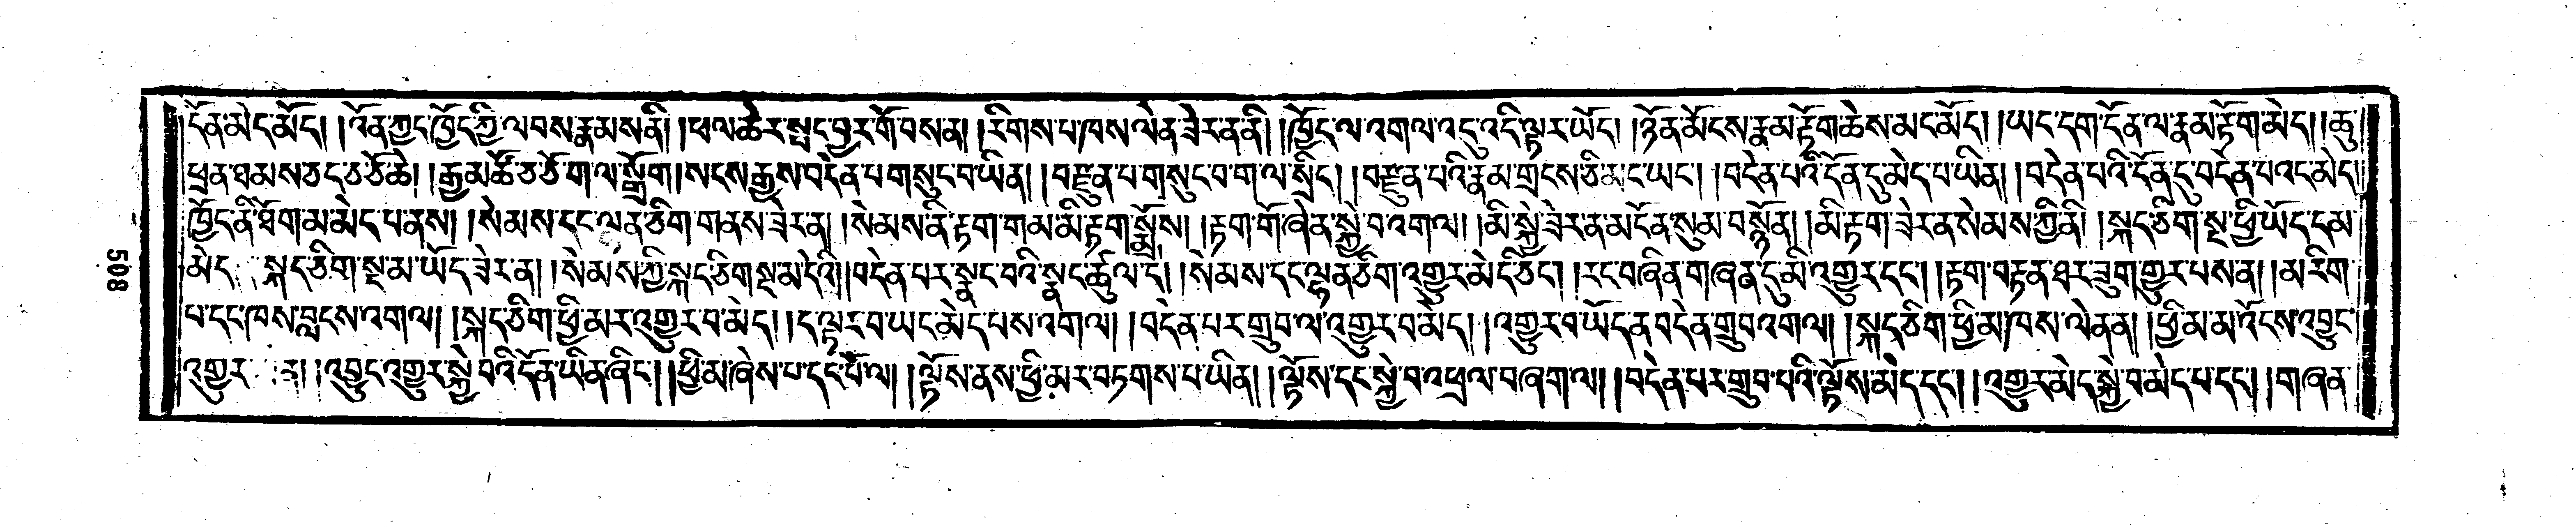དོན་མེད་མོད། །འོན་ཀྱང་ཁྱོད་ཀྱི་ལབས་རྣམས་ནི། །ཕལ་ཆེར་སྤངས་བྱར་གོ་བས་ན། །རིགས་པ་ཁས་ལེན་ཟེར་ན་ནི། །ཁྱོད་ལ་འགལ་འདུ་འདི་ལྟར་ཡོད། །ཉོན་མོངས་རྣམ་རྟོག་ཆོས་མང་མོད། །ཡང་དག་དོན་ལ་རྣམ་རྟོག་མེད། །ཆུ་
ཕྲན་ཐམས་ཅད་ཅ་ཅོ་ཆེ། །རྒྱ་མཚོ་ཅ་ཅོ་ག་ལ་སྒྲོག །སངས་རྒྱས་བདེན་པ་གསུང་བ་ཡིན། །བརྫུན་པ་གསུང་བ་ག་ལ་སྲིད། །བརྫུན་པའི་རྣམ་གྲངས་ཅི་མང་ཡང་། །བདེན་པའི་དོན་དུ་མེད་པ་ཡིན། །བདེན་པའི་དོན་དུ་བདེན་པའང་མེད།།
ཁྱོད་ནི་ཐོག་མ་མེད་པ་ནས། །སེམས་དང་ལྷན་ཅིག་གནས་ཟེར་ན། །སེམས་ནི་རྟག་གམ་མི་རྟག་སྨྲོས། །རྟག་གོ་ཞེ་ན་སྐྱེ་བ་འགལ། །མི་སྐྱེ་ཟེར་ན་མངོན་སུམ་བསྙོན། །མི་རྟག་ཟེར་ན་སེམས་ཀྱི་ནི། །སྐད་ཅིག་སྔ་ཕྱི་ཡོད་དམ་
མེད༑ ༑སྐད་ཅིག་སྔ་མ་ཡོད་ཟེར་ན། །སེམས་ཀྱི་སྐད་ཅིག་སྔ་མ་དེའི། །བདེན་པར་སྣང་བའི་སྣང་ཚུལ་དེ། །སེམས་དང་ལྷན་ཅིག་འགྱུར་མེད་ཅིང་། །རང་བཞིན་གཞན་དུ་མི་འགྱུར་དང་། །རྟག་བརྟན་ཐེར་ཟུག་གྱུར་པས་ན། །མ་རིག་
པ་དང་ཁས་བླངས་འགལ། །སྐད་ཅིག་ཕྱི་མར་འགྱུར་བ་མེད། །ད་ལྟར་བ་ཡང་མེད་པས་འགལ། །བདེན་པར་གྲུབ་པ་ལ་འགྱུར་བ་མེད། །འགྱུར་བ་ཡོད་ན་བདེན་གྲུབ་འགལ། །སྐད་ཅིག་ཕྱི་མ་ཁས་ལེན་ན། །ཕྱི་མ་མ་འོངས་འབྱུང་
འགྱུར་ཡིན། །འབྱུང་འགྱུར་སྐྱེ་བའི་དོན་ཡིན་ཞིང་། །ཕྱི་མ་ཞེས་པ་དང་པོ་ལ། །ལྟོས་ནས་ཕྱི་མར་བཏགས་པ་ཡིན། །ལྟོས་དང་སྐྱེ་བ་འཕྲལ་བ་བཞག་ལ། །བདེན་པར་གྲུབ་པའི་ལྟོས་མེད་དང་། །འགྱུར་མེད་སྐྱེ་བ་མེད་པ་དང་། །གཞན་